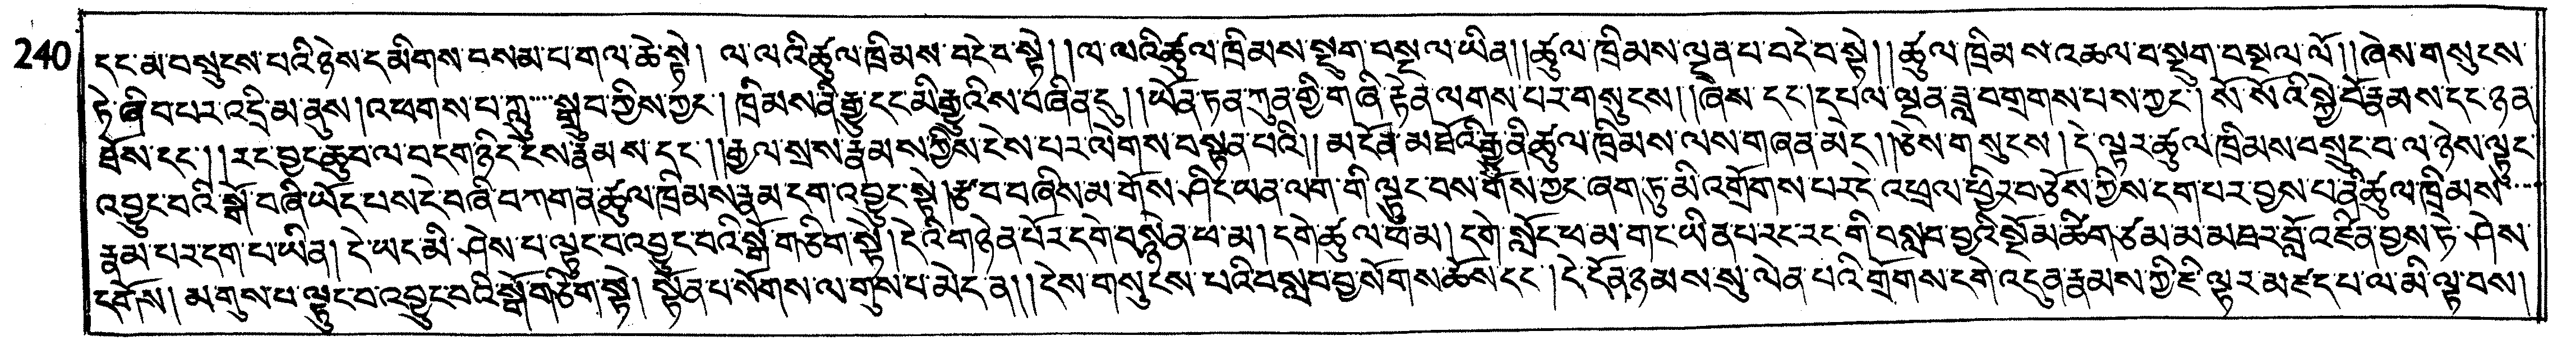དང་མ་བསྲུངས་པའི་ཉེས་དམིགས་བསམ་པ་གལ་ཆེ་སྟེ། ལ་ལའི་ཚུལ་ཁྲིམས་བདེ་བ་སྟེ། །ལ་ལའི་ཚུལ་ཁྲིམས་སྡུག་བསྔལ་ཡིན། །ཚུལ་ཁྲིམས་ལྡན་པ་བདེ་བ་སྟེ། །ཚུལ་ཁྲིམས་འཆལ་བ་སྡུག་བསྔལ་ལོ། །ཞེས་གསུངས་
ཏེ་ཞིབ་པར་འདྲི་མ་ནུས། འཕགས་པ་ཀླུ་སྒྲུབ་ཀྱིས་ཀྱང་། ཁྲིམས་ནི་རྒྱུ་དང་མི་རྒྱུའི་ས་བཞིན་དུ། །ཡོན་ཏན་ཀུན་གྱི་གཞི་རྟེན་ལགས་པར་གསུངས། །ཞེས་དང་། དཔལ་ལྡན་ཟླ་བ་གྲགས་པས་ཀྱང་། སོ་སོའི་སྐྱེ་བོ་རྣམས་དང་ཉན་
ཐོས་དང་། །རང་བྱང་ཆུབ་ལ་བདག་ཉིད་དེས་རྣམས་དང་། །རྒྱལ་སྲས་རྣམས་ཀྱིས་ངེས་པར་ལེགས་བསྟན་པའི། །མངོན་མཐོའི་རྒྱུ་ནི་ཚུལ་ཁྲིམས་ལས་གཞན་མེད། །ཅེས་གསུངས། དེ་ལྟར་ཚུལ་ཁྲིམས་བསྲུང་བ་ལ་ཉེས་ལྟུང་
འབྱུང་བའི་སྒོ་བཞི་ཡོད་པས་དེ་བཞི་བཀག་ན་ཚུལ་ཁྲིམས་རྣམ་དག་འབྱུང་སྟེ། རྩ་བ་བཞིས་མ་གོས་ཤིང་ཡན་ལག་གི་ལྟུང་བས་གོས་ཀྱང་ཞག་ཏུ་མི་འགྲོགས་པར་དེ་འཕྲལ་ཕྱིར་བཅོས་ཀྱིས་དག་པར་བྱས་པ་ནི་ཚུལ་ཁྲིམས་
རྣམ་པར་དག་པ་ཡིན། དེ་ཡང་མི་ཤེས་པ་ལྟུང་བ་འབྱུང་བའི་སྒོ་གཅིག་སྟེ། དེའི་གཉེན་པོར་དགེ་བསྙེན་ཕ་མ། དགེ་ཚུལ་ཕ་མ། དགེ་སློང་ཕ་མ་གང་ཡིན་པ་རང་རང་གི་བསླབ་བྱའི་སྡོམ་ཚིག་ཙམ་མ་མཐར་བློ་འཛིན་བྱས་ཏེ་ཤེས་
དགོས། མ་གུས་པ་ལྟུང་བ་འབྱུང་བའི་སྒོ་གཅིག་སྟེ། སྟོན་པ་སོགས་ལ་གུས་པ་མེད་ན། །དེས་གསུངས་པའི་བསླབ་བྱ་སོགས་ཆོས་དང་། དེ་དོན་ཉམས་སུ་ལེན་པའི་གྲོགས་དགེ་འདུན་རྣམས་ཀྱི་ཇི་ལྟར་མཛད་པ་ལ་མི་ལྟ་བས།